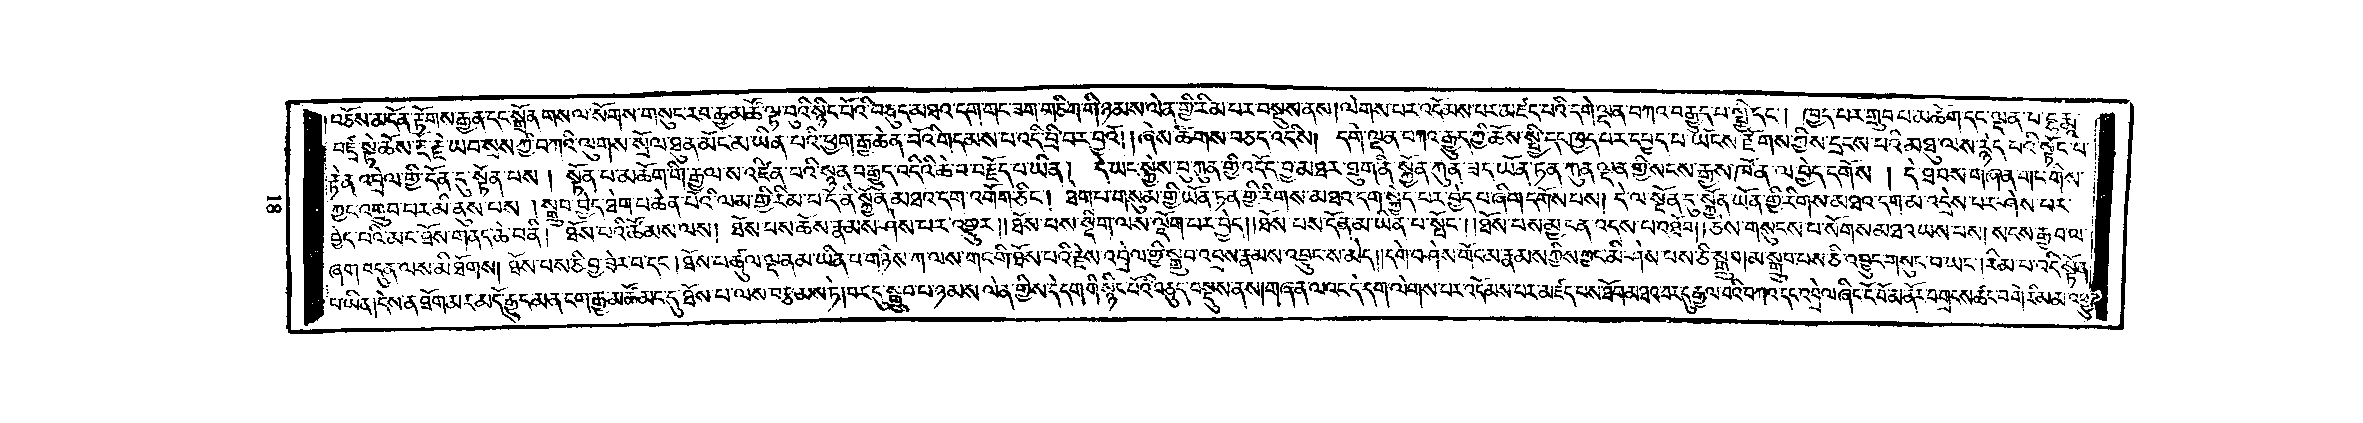བཅོས་མངོན་རྟོགས་རྒྱན་དང་སྒྲོན་གསལ་སོགས་གསུང་རབ་རྒྱ་མཚོ་ལྟ་བུའི་སྙིང་པོའི་བཅུད་མཐའ་དག་གང་ཟག་གཅིག་གི་ཉམས་ལེན་གྱི་རིམ་པར་བསྡུས་ནས། ལེགས་པར་འདོམས་པར་མཛད་པའི་དགེ་ལྡན་བཀའ་བརྒྱུད་པ་སྤྱི་དང་། ཁྱད་པར་གྲུབ་པ་མཆོག་དང་ལྡན་པ་དྷརྨཱ་
བྫྲ་སྟེ་ཆོས་རྡོ་རྗེ་ཡབ་སྲས་ཀྱི་བཀའི་ལུགས་སྲོལ་ཐུན་མོང་མ་ཡིན་པའི་ཕྱག་རྒྱ་ཆེན་པོའི་གདམས་པ་འདི་བྲི་བར་བྱའོ། །ཞེས་ཚིགས་བཅད་འདིས། དགེ་ལྡན་བཀའ་རྒྱུད་ཀྱི་ཆོས་སྤྱི་དང་ཁྱད་པར་དཔྱད་པ་ཡོངས་རྫོགས་ཀྱིས་དྲངས་པའི་མཐུ་ལས་རྙེད་པའི་སྟོང་པ་
རྟེན་འབྲེལ་གྱི་དོན་དུ་སྟོན་པས། སྟོན་པ་མཆོག་གི་རྒྱལ་ས་འཛིན་པའི་སྙན་བརྒྱུད་འདིའི་ཆེ་བ་བརྗོད་པ་ཡིན། དེ་ཡང་སྐྱེས་བུ་ཀུན་གྱི་འདོད་བྱ་མཐར་ཐུག་ནི་སྐྱོན་ཀུན་ཟད་ཡོན་ཏན་ཀུན་ལྡན་གྱི་སངས་རྒྱས་ཁོ་ན་ལ་བྱེད་དགོས། དེ་ཐབས་གཞན་གང་གིས་
ཀྱང་འགྲུབ་པར་མི་ནུས་པས། སྒྲུབ་བྱེད་ཐེག་པ་ཆེན་པོའི་ལམ་གྱི་རིམ་པ་དེ་ནི་སྐྱོན་མཐའ་དག་འགོག་ཅིང་། ཐེག་པ་གསུམ་གྱི་ཡོན་ཏན་གྱི་རིགས་མཐའ་དག་སྐྱེད་པར་བྱེད་པ་ཞིག་དགོས་པས། དེ་ལ་སྔོན་དུ་སྐྱོན་ཡོན་གྱི་རིགས་མཐའ་དག་མ་འདྲེས་པར་ཤེས་པར་
བྱེད་པའི་མང་ཐོས་གནད་ཆེ་བ་ནི། ཐོས་པའི་ཚོམས་ལས། ཐོས་པས་ཆོས་རྣམས་ཤེས་པར་འགྱུར། །ཐོས་པས་སྡིག་ལས་ལྡོག་པར་བྱེད། །ཐོས་པས་དོན་མ་ཡིན་པ་སྤོང་། །ཐོས་པས་མྱ་ངན་འདས་པ་འཐོབ། །ཅེས་གསུངས་པ་སོགས་མཐའ་ཡས་པས། སངས་རྒྱ་བ་ལ་
ཞག་བདུན་ལས་མི་ཐོགས། ཐོས་པས་ཅི་བྱ་ཟེར་བ་དང་། ཐོས་པ་ཚུལ་ལྡན་མ་ཡིན་པ་གཉིས་ཀ་ལས་གང་གི་ཐོས་པའི་རྗེས་འབྲེལ་གྱི་སྒྲུབ་འབྲས་རྣམས་འབྱུང་ས་མེད། །དགེ་བཤེས་གོང་མ་རྣམས་ཀྱིས་ཀྱང་མི་ཤེས་པས་ཅི་སྒྲུབ། མ་སྒྲུབ་པས་ཅི་འབྱུང་གསུང་བ་ཡང་། རིམ་པ་འདི་སྟོན་
པ་ཡིན། དེས་ན་ཐོག་མར་མདོ་རྒྱུད་མན་ངག་རྒྱ་མཚོ་མང་དུ་ཐོས་པ་ལས་བརྩམས་ཏེ། བར་དུ་སྒྲུབ་པ་ཉམས་ལེན་གྱིས་དེ་དག་གི་སྙིང་པོའི་བཅུད་བསྡུས་ནས། གཞན་ལའང་དེ་དག་ལེགས་པར་འདོམས་པར་མཛད་པས་ཐོག་མཐའ་བར་དུ་རྒྱལ་བའི་བཀའ་དང་འབྲེལ་ཞིང་ངོ་བོ་མ་ནོར་བ་གྲངས་ཚང་བ་གེ་རིམ་མ་འཕྱུགས་